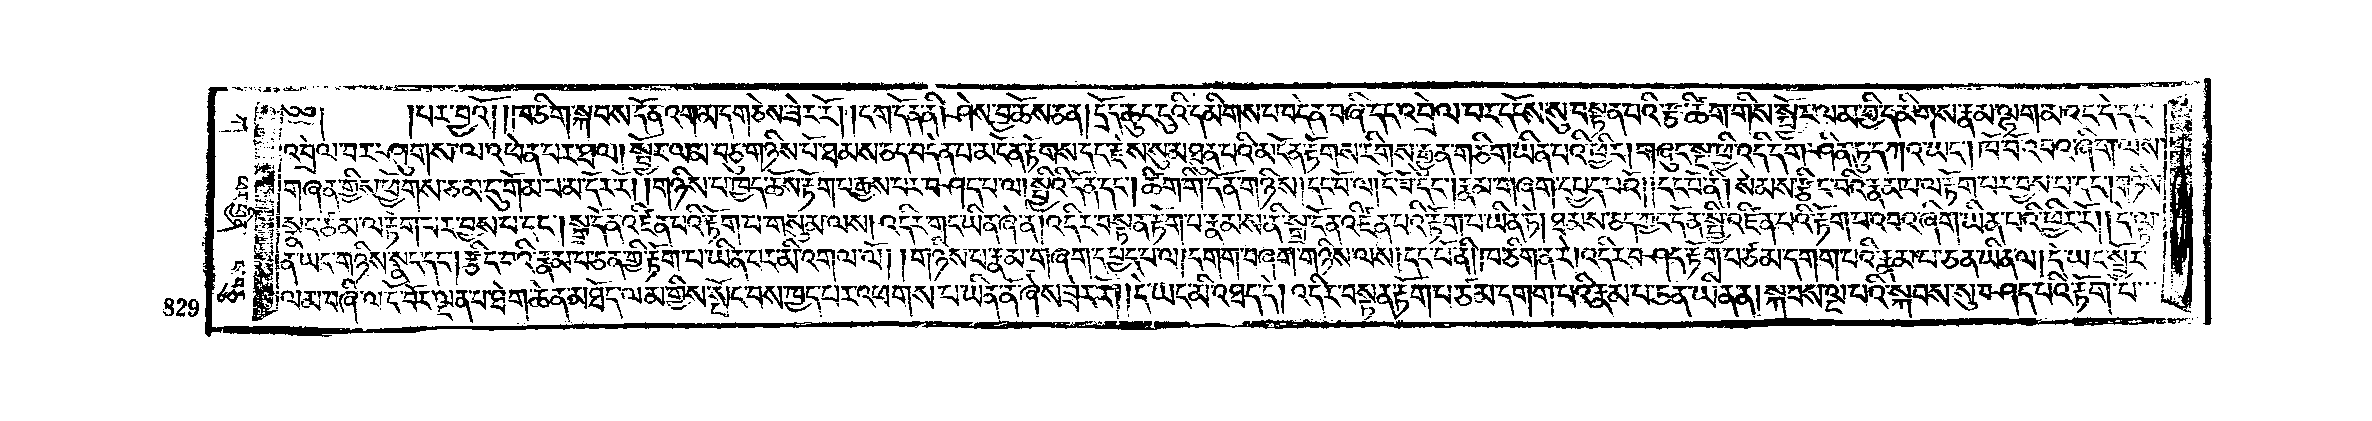༄༅། །པར་བྱའོ། །ཁ་ཅིག་སྐབས་དོན་འོག་མ་དག་ཅེས་ཟེར་རོ། །ངག་དོན་ནི། ཤེས་བྱ་ཆོས་ཅན། དྲོད་ཆུང་ངུའི་དམིགས་པ་བདེན་བཞི་དང་འབྲེལ་བར་དངོས་སུ་བསྟན་པའི་རྩ་ཚིག་གིས་སྦྱོར་ལམ་གྱི་དམིགས་རྣམ་ལྷག་མའང་དེ་དང་
འབྲེལ་བར་ཤུགས་ལ་འཕེན་པར་ཐལ། སྦྱོར་ལམ་བཅུ་གཉིས་པོ་ཐམས་ཅད་བདེན་པ་མངོན་རྟོགས་དང་རྗེས་སུ་མཐུན་པའི་མངོན་རྟོགས་རིགས་རྒྱུན་གཅིག་ཡིན་པའི་ཕྱིར་དང་། གཞུང་སྔ་ཕྱི་འདི་དག་ཤིན་ཏུ་དཀའ་ཡང་། ཁོ་བོ་འབའ་ཞིག་ལས་
གཞན་གྱིས་ཕྱོགས་ཙམ་དུ་གོམ་པ་མ་དོར་རོ། །གཉིས་པ་ཁྱད་ཆོས་རྟོག་པ་རྒྱས་པར་བཤད་པ་ལ། སྤྱིའི་དོན་དང་། ཚིག་གི་དོན་གཉིས། དང་པོ་ལ། ངོ་བོ་དང་། རྣམ་གཞག་དཔྱད་པའོ། །དང་པོ་ནི། སེམས་རྩིང་བའི་རྣམ་པ་ལ་རྟོག་པར་བྱས་པ་དང་། གཉིས་
སྣང་ཙམ་ལ་རྟོན་པར་བྱས་པ་དང་། སྒྲ་དོན་འཛིན་པའི་རྟོག་པ་གསུམ་ལས། འདིར་གང་ཡིན་ཞེ་ན། འདིར་བསྟན་རྟོག་པ་རྣམས་ནི་སྒྲ་དོན་འཛིན་པའི་རྟོག་པ་ཡིན་ཏེ། ཐམས་ཅད་ཀྱང་དོན་སྤྱི་འཛིན་པའི་རྟོག་པ་འབའ་ཞིག་ཡིན་པའི་ཕྱིར་རོ། །དེ་ལྟ་
ན་ཡང་གཉིས་སྣང་དང་། རྩིང་བའི་རྣམ་པ་ཅན་གྱི་རྟོག་པ་ཡིན་པར་མི་འགལ་ལོ། །གཉིས་པ་རྣམ་གཞག་དཔྱད་པ་ལ། དགག་བཞག་གཉིས་ལས། དང་པོ་ནི། ཁ་ཅིག་ན་རེ། འདིར་བཤད་རྟོག་པ་ཙམ་དགག་པའི་རྣམ་པ་ཅན་ཡིན་ལ། དེ་ཡང་སྦྱོར་
ལམ་བཞི་ལ་ངོ་བོར་ལྡན་པ་ཐེག་ཆེན་མཐོང་ལམ་གྱིས་སྤོང་བས་ཁྱད་པར་འཕགས་པ་ཡིན་ནོ་ཞེས་ཟེར་རོ། །དེ་ཡང་མི་འཐད་དེ། འདིར་བསྟན་རྟོག་པ་ཙམ་དགག་པའི་རྣམ་པ་ཅན་ཡིན་ན། སྐབས་ལྔ་པའི་སྐབས་སུ་བཤད་པའི་རྟོག་པ་